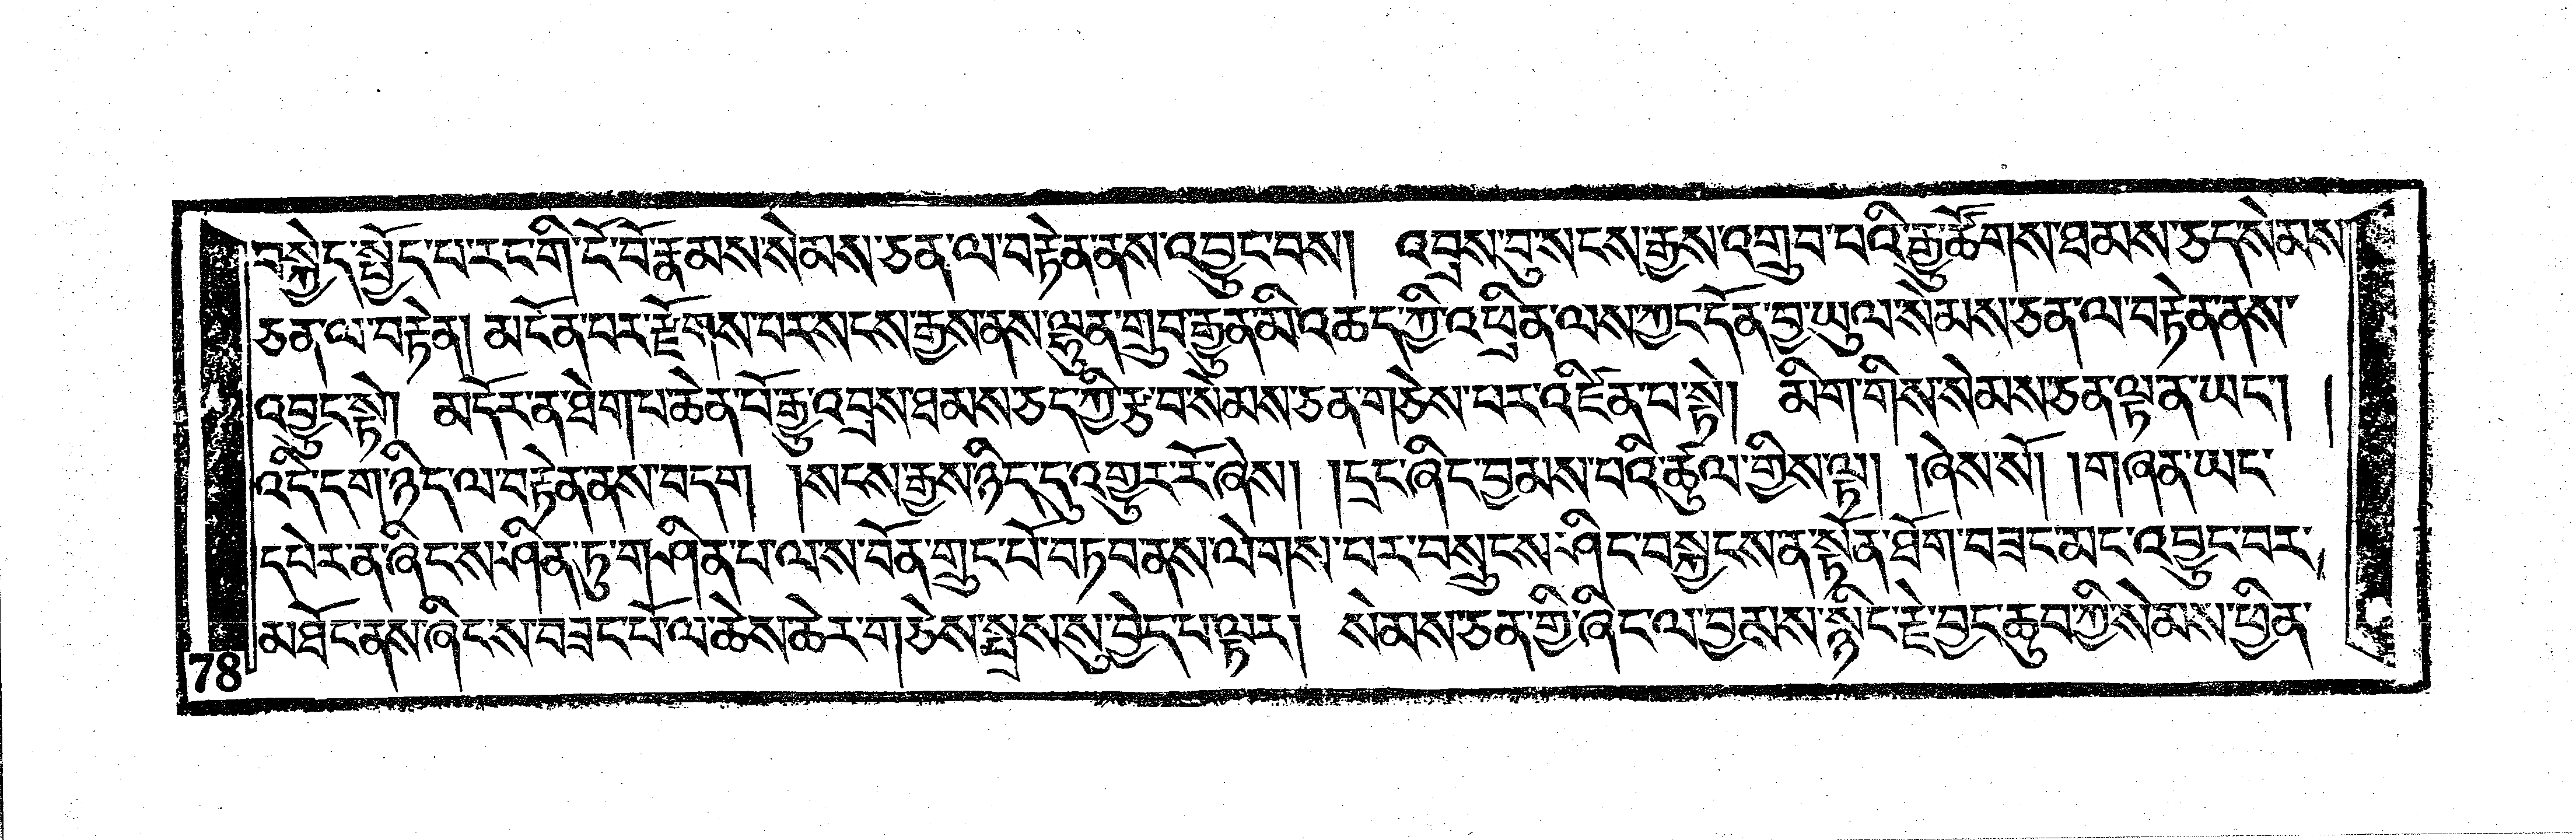བསྐྱེད་སྤྱོད་པ་རང་གི་ངོ་བོ་རྣམས་སེམས་ཅན་ལ་བརྟེན་ནས་འབྱུང་བས། འབྲས་བུ་སངས་རྒྱས་འགྲུབ་པའི་རྒྱུ་ཚོགས་ཐམས་ཅད་སེམས་
ཅན་ལ་བརྟེན། མངོན་པར་རྫོགས་པར་སངས་རྒྱས་ནས་ལྷུན་གྲུབ་རྒྱུན་མི་འཆད་ཀྱི་འཕྲིན་ལས་ཀྱང་དོན་བྱ་ཡུལ་སེམས་ཅན་ལ་བརྟེན་ནས་
འབྱུང་སྟེ། མདོར་ན་ཐེག་པ་ཆེན་པོ་རྒྱུ་འབྲས་ཐམས་ཅད་ཀྱི་རྩ་བ་སེམས་ཅན་གཅེས་པར་འཛིན་པ་སྟེ། མིག་གིས་སེམས་ཅན་ལྟ་ན་ཡང་། །
འདི་དག་ཉིད་ལ་བརྟེན་ནས་བདག །སངས་རྒྱས་ཉིད་དུ་འགྱུར་རོ་ཞེས། །དྲང་ཞིང་བྱམས་པའི་ཚུལ་གྱིས་ལྟ། །ཞེས་སོ། །གཞན་ཡང་
དཔེར་ན་ཞིང་ས་ཤིན་ཏུ་གཤིན་པ་ལ་ས་བོན་གྲུང་པོ་བཏབ་ནས་ལེགས་པར་བསྲུངས་ཤིང་བསྐྱངས་ན་སྟོན་ཐོག་བཟང་མང་འབྱུང་བར་
མཐོང་ནས་ཞིང་ས་བཟང་པོ་ལ་ཆེས་ཆེར་གཅེས་སྤྲས་སུ་བྱེད་པ་ལྟར། སེམས་ཅན་གྱི་ཞིག་ལ་བྱམས་སྙིང་རྗེ་བྱང་ཆུབ་ཀྱི་སེམས་ཕྱིན་